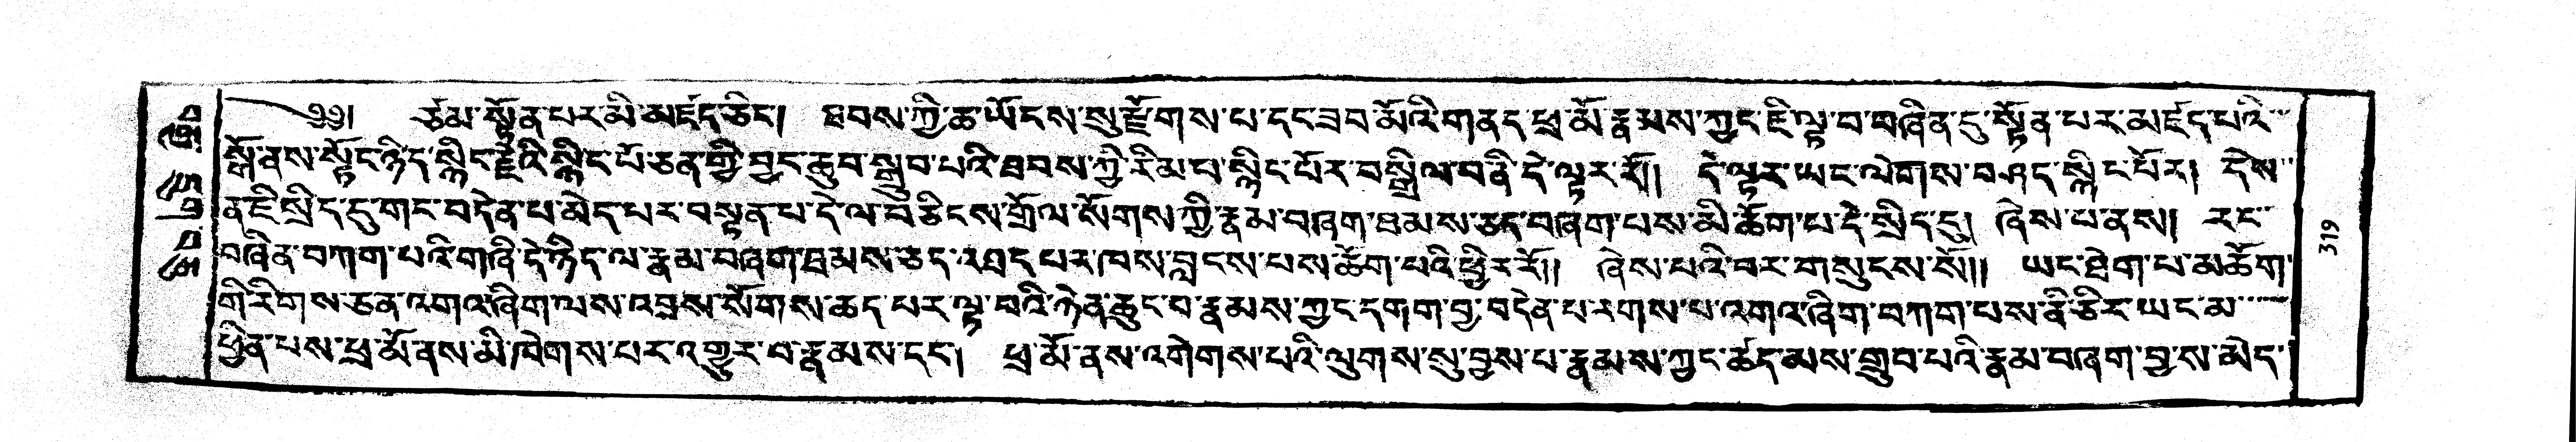༄༅། །ཙམ་སྟོན་པར་མི་མཛད་ཅིང་། ཐབས་ཀྱི་ཆ་ཡོངས་སུ་རྫོགས་པ་དང་ཟབ་མོའི་གནད་ཕྲ་མོ་རྣམས་ཀྱང་ཇི་ལྟ་བ་བཞིན་དུ་སྟོན་པར་མཛད་པའི་
སྒོ་ནས་སྟོང་ཉིད་སྙིང་རྗེའི་སྙིང་པོ་ཅན་གྱི་བྱང་ཆུབ་སྒྲུབ་པའི་ཐབས་ཀྱི་རིམ་པ་སྙིང་པོར་བསྒྲིལ་བ་ནི་དེ་ལྟར་རོ། །དེ་ལྟར་ཡང་ལེགས་བཤད་སྙིང་པོར། དེས་
ན་ཇི་སྲིད་དུ་གང་བདེན་པ་མེད་པར་བསྟན་པ་དེ་ལ་བཅིངས་གྲོལ་སོགས་ཀྱི་རྣམ་བཞག་ཐམས་ཅད་བཞག་པས་མི་ཆོག་པ་དེ་སྲིད་དུ། ཞེས་པ་ནས། རང་
བཞིན་བཀག་པའི་གཞི་དེ་ཉིད་ལ་རྣམ་བཞག་ཐམས་ཅད་འཐད་པར་ཁས་བླངས་པས་ཆོག་པའི་ཕྱིར་རོ། །ཞེས་པའི་བར་གསུངས་སོ། །ཡང་ཐེག་པ་མཆོག་
གི་རིགས་ཅན་འགའ་ཞིག་ལས་འབྲས་སོགས་ཆད་པར་ལྟ་བའི་ཉེན་ཆུང་བ་རྣམས་ཀྱང་དགག་བྱ་བདེན་པ་རགས་པ་འགའ་ཞིག་བཀག་པས་ནི་ཅིར་ཡང་མ་
ཕྱིན་པས་ཕྲ་མོ་ནས་མི་ཁེགས་པར་འགྱུར་པ་རྣམས་དང་། ཕྲ་མོ་ནས་འགེགས་པའི་ལུགས་སུ་བྱས་པ་རྣམས་ཀྱང་ཚད་མས་གྲུབ་པའི་རྣམ་བཞག་བྱ་ས་མེད་